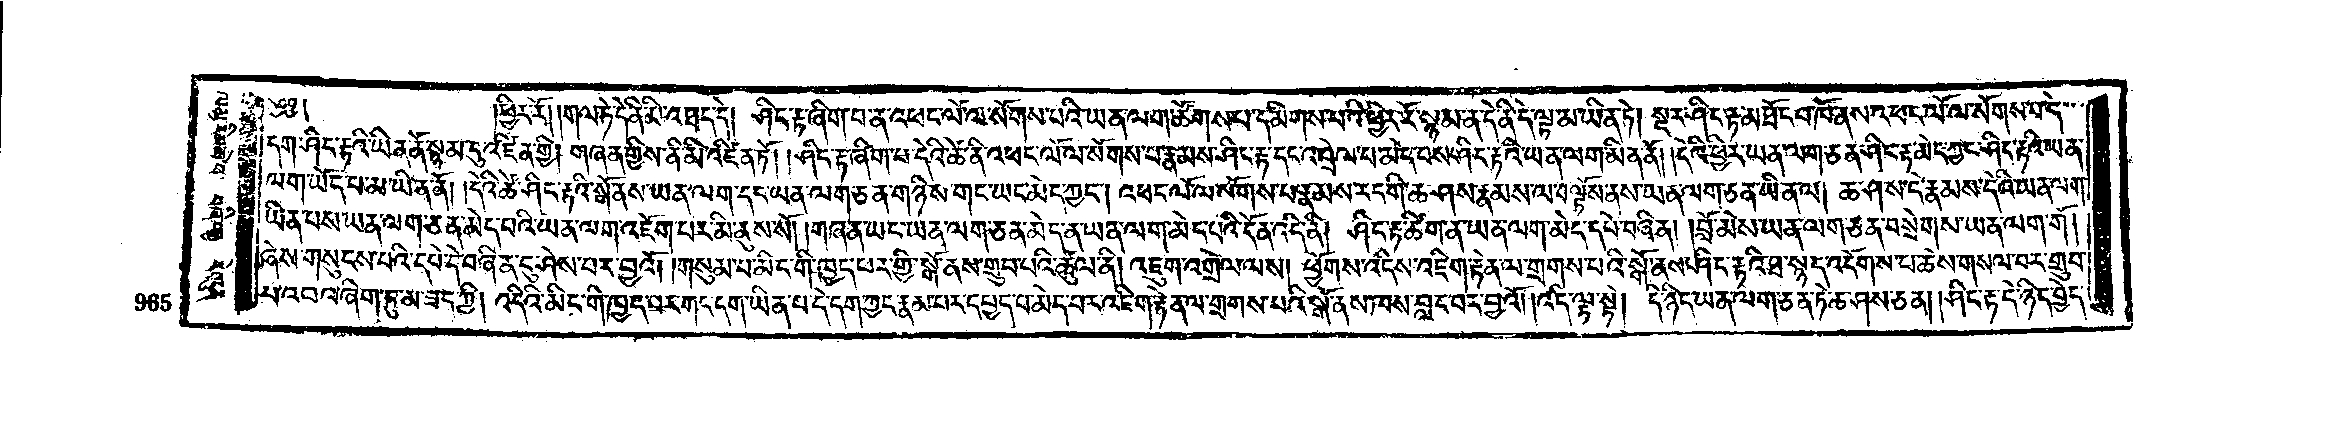༄༅། །ཕྱིར་རོ། །གལ་ཏེ་དེ་ནི་མི་འཐད་དེ། ཤིང་རྟ་ཞིག་པ་ན་འཕང་ལོ་ལ་སོགས་པའི་ཡན་ལག་ཚོགས་པ་དམིགས་པའི་ཕྱིར་རོ་སྙམ་ན་དེ་ནི་དེ་ལྟ་མ་ཡིན་ཏེ། སྔར་ཤིང་རྟ་མཐོང་བ་ཁོ་ནས་འཕང་ལོ་ལ་སོགས་པ་དེ་
དག་ཤིང་རྟའི་ཡིན་ནོ་སྙམ་དུ་འཛིན་གྱི། གཞན་གྱིས་ནི་མི་འཛིན་ཏོ། །ཤིང་རྟ་ཞིག་པ་དེའི་ཚེ་ནི་འཕང་ལོ་ལ་སོགས་པ་རྣམས་ཤིང་རྟ་དང་འབྲེལ་བ་མེད་པས་ཤིང་རྟའི་ཡན་ལག་མིན་ནོ། །དེའི་ཕྱིར་ཡན་ལག་ཅན་ཤིང་རྟ་མེད་ཀྱང་ཤིང་རྟའི་ཡན་
ལག་ཡོད་པ་མ་ཡིན་ནོ། །དེའི་ཚེ་ཤིང་རྟའི་སྒོ་ནས་ཡན་ལག་དང་ཡན་ལག་ཅན་གཉིས་གང་ཡང་མེད་ཀྱང་། འཕང་ལོ་ལ་སོགས་པ་རྣམས་རང་གི་ཆ་ཤས་རྣམས་ལ་བལྟོས་ནས་ཡན་ལག་ཅན་ཡིན་ལ། ཆ་ཤས་དེ་རྣམས་དེའི་ཡན་ལག་
ཡིན་པས་ཡན་ལག་ཅན་མེད་པའི་ཡན་ལག་འཇོག་པར་མི་ནུས་སོ། །གཞན་ཡང་ཡན་ལག་ཅན་མེད་ན་ཡན་ལག་མེད་པའི་དོན་འདི་ནི། ཤིང་རྟ་ཚིག་ན་ཡན་ལག་མེད་དཔེ་བཞིན། །བློ་མེས་ཡན་ལག་ཅན་བསྲེགས་ཡན་ལག་གོ།
ཞེས་གསུངས་པའི་དཔེ་དེ་བཞིན་དུ་ཤེས་པར་བྱའོ། །གསུམ་པ་མིང་གི་ཁྱད་པར་གྱི་སྒོ་ནས་གྲུབ་པའི་ཚུལ་ནི། འཇུག་འགྲེལ་ལས། ཕྱོགས་འདིས་འཇིག་རྟེན་ལ་གྲགས་པའི་སྒོ་ནས་ཤིང་རྟའི་ཐ་སྙད་འདོགས་པ་ཆེས་གསལ་བར་གྲུབ་
པ་འབའ་ཞིག་ཏུ་མ་ཟད་ཀྱི། འདིའི་མིང་གི་ཁྱད་པར་གང་དག་ཡིན་པ་དེ་དག་ཀྱང་རྣམ་པར་དཔྱད་པ་མེད་པར་འཇིག་རྟེན་ལ་གྲགས་པའི་སྒོ་ནས་ཁས་བླང་བར་བྱའོ། །འདི་ལྟ་སྟེ། དེ་ཉིད་ཡན་ལག་ཅན་ཏེ་ཆ་ཤས་ཅན། །ཤིང་རྟ་དེ་ཉིད་བྱེད་